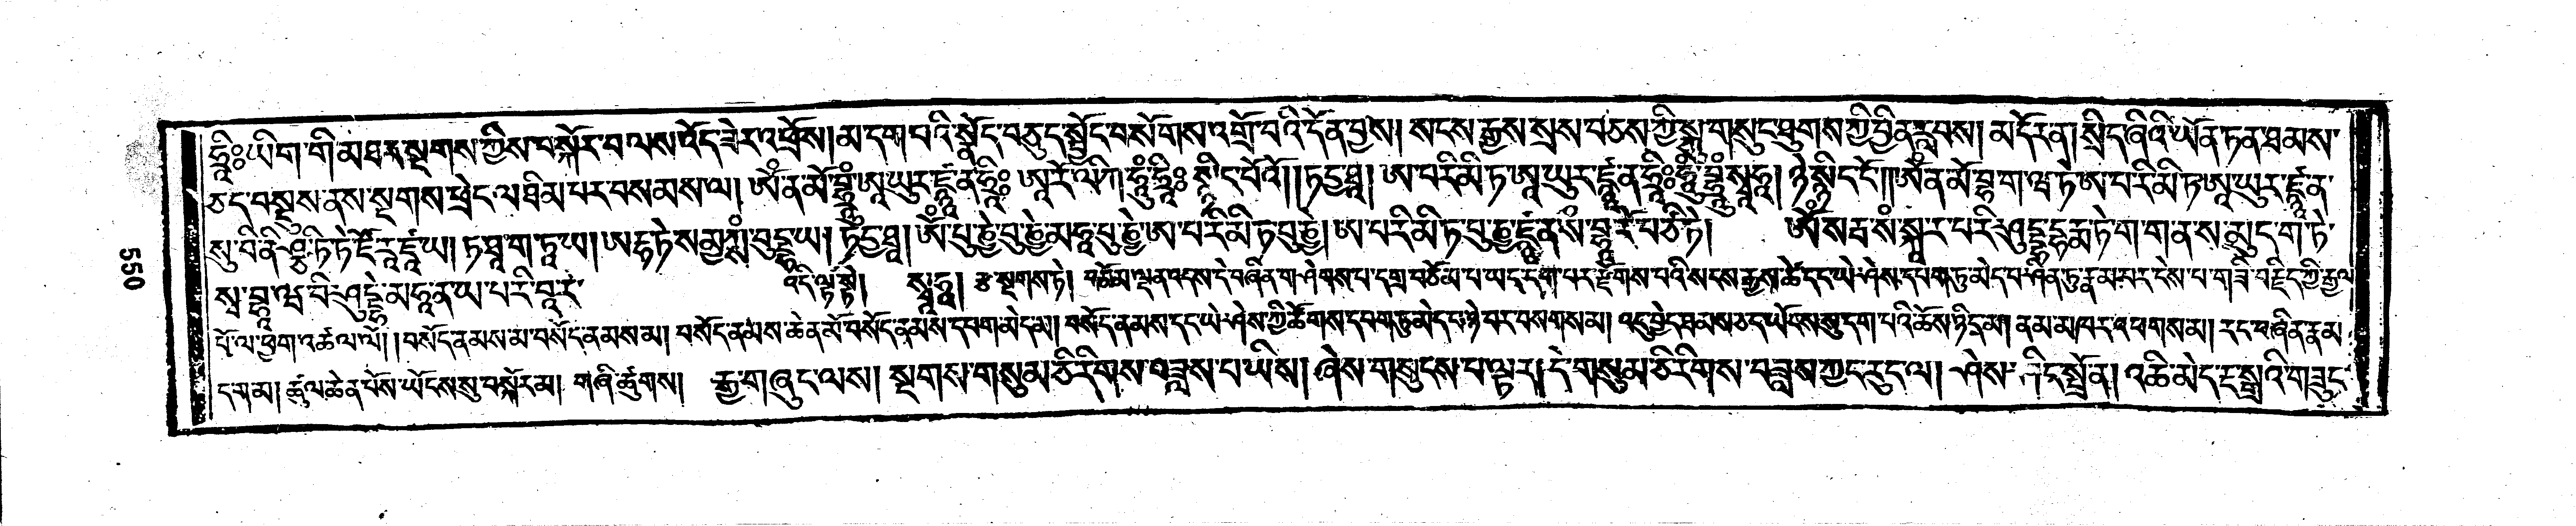ཧྲཱིཿ ཡིག་གི་མཐར་སྔགས་ཀྱིས་བསྐོར་བ་ལས་འོད་ཟེར་འཕྲོས། མ་དག་པའི་སྣོད་བཅུད་སྤྱོད་པ་སོགས་འགྲོ་བའི་དོན་བྱས། སངས་རྒྱས་སྲས་བཅས་ཀྱི་སྐུ་གསུང་ཐུགས་ཀྱི་བྱིན་རླབས། མདོར་ན། སྲིད་ཞིའི་ཡོན་ཏན་ཐམས་
ཅད་བསྡུས་ནས་སྔགས་ཕྲེང་ལ་ཐིམ་པར་བསམས་ལ། ཨོཾ་ན་མོ་བྷྲཱུཾ་ཨཱ་ཡུར་ཛྙཱ་ན་ཧྲཱིཿ ཨཱ་རོ་ལི་ཀ་ཧཱུཾ་ཧྲཱིཿ སྙིང་པོའོ། །ཏ་དྱཐཱ། ཨ་པ་རི་མི་ཏ་ཨཱ་ཡུར་ཛྙཱ་ན་ཧྲཱིཿ ཧཱུཾ་བྷྲཱུཾ་སྭཱཧཱ། ཉེ་སྙིང་ངོ། །ཨོཾ་ན་མོ་བྷ་ག་ཝ་ཏེ་ཨ་པ་རི་མི་ཏ་ཨཱ་ཡུར་ཛྙཱ་ན་
སུ་པི་ནི་ཤྩ་ཏི་ཏེ་ཛོ་རཱ་ཛཱ་ཡ། ཏ་ཐཱ་ག་ཏཱ་ཡ། ཨརྷ་ཏེ་སམྱཀྶཾ་བུདྡྷ་ཡ། ཏདྱ་ཐཱ། ཨོཾ་པུ་ཎྱེ་མཧཱ་པུ་ཎྱེ་མཧཱ་པུ་ཎྱེ་ཨ་པ་རི་མི་ཏ་པུ་ཎྱེ། ཨ་པ་རི་མི་ཏ་པུ་ཎྱ་ཛྙཱ་ན་སཾ་བྷཱ་རོ་པ་ཙི་ཏེ། ཨོཾ་སརྦ་སཾ་སྐཱ་ར་པ་རི་ཤུདྡྷ་དྷ་རྨ་ཏེ་ག་ག་ན་ས་མུད་ག་ཏེ་
སྭ་བྷཱ་ཝ་བི་ཤུདྡྷེ་མཧཱ་ན་ཡ་པ་རི་བཱ་རེ་འདི་ལྟ་སྟེ།  སྭཱཧཱ། རྩ་སྔགས་ཏེ། བཅོམ་ལྡན་འདས་དེ་བཞིན་གཤེགས་པ་དགྲ་བཅོམ་པ་ཡང་དག་པར་རྫོགས་པའི་སངས་རྒྱས་ཚེ་དང་ཡེ་ཤེས་དཔག་ཏུ་མེད་པ་ཤིན་ཏུ་རྣམ་པར་ངེས་པ་གཟི་བརྗིད་ཀྱི་རྒྱལ་
པོ་ལ་ཕྱག་འཚལ་ལོ། །བསོད་ནམས་མ་བསོད་ནམས་མ། བསོད་ནམས་ཆེན་མོ་བསོད་ནམས་དཔག་མེད་མ། བསོད་ནམས་དང་ཡེ་ཤེས་ཀྱི་ཚོགས་དཔག་ཏུ་མེད་པ་ཉེ་བར་བསགས་མ། འདུ་བྱེད་ཐམས་ཅད་ཡོངས་སུ་དག་པའི་ཆོས་ཉིད་མ། ནམ་མཁར་འགགས་མ། རང་བཞིན་རྣམ་
དག་མ། ཚུལ་ཆེན་པོས་ཡོངས་སུ་བསྐོར་མ། གཞི་ཚུགས། རྒྱ་གཞུང་ལས། སྔགས་གསུམ་ཅི་རིགས་བཟླས་པ་ཡིས། ཞེས་གསུངས་པ་ལྟར། དེ་གསུམ་ཅི་རིགས་བཟླས་ཀྱང་རུང་ལ། ཤེས་ཤིང་སྤྲོ་ན། འཆི་མེད་རྡ་སྒྲའི་གཟུངས་